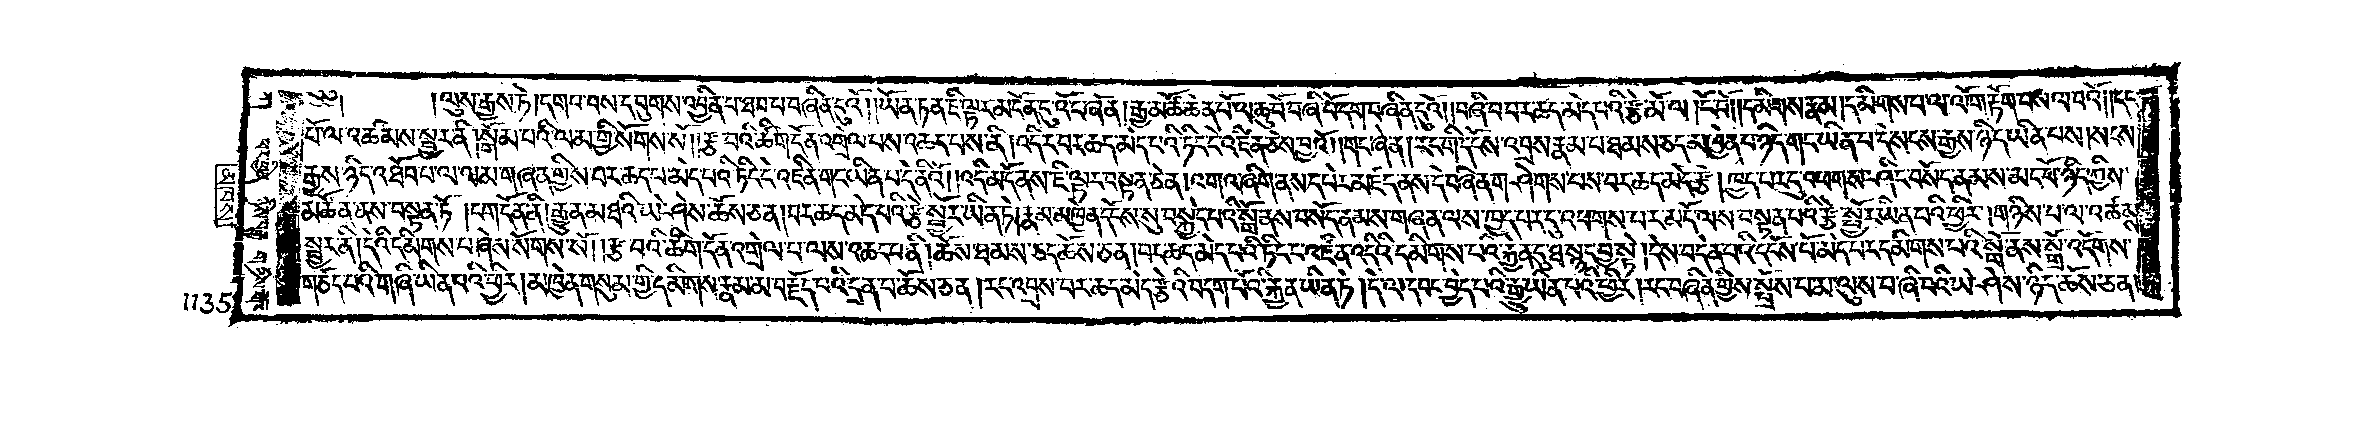ཕི༹རསཏ་༄༅། །ལུས་རྒྱས་ཏེ། དགའ་བས་དབུགས་འབྱིན་པ་ཐབ་པ་བཞིན་དུའོ། །ཡོན་ཏན་ཇི་ལྟར་མངོན་དུ་འོང་ཞེ་ན། རྒྱ་མཚོ་ཆེན་པོ་ལ་ཆུ་བོ་བཞི་པོ་དག་བཞིན་དུའོ། །བཞི་པ་བར་ཆད་མེད་པའི་རྩེ་མོ་ལ། ངོ་བོ། །དམིགས་པ་ལ་ལོག་རྟོག་པས་ལས་བའོ། །དང་
པོ་ལ་འཚམས་སྦྱར་ནི། སྒོམ་པའི་ལམ་གྱི་སོགས་སོ། །རྩ་བའི་ཚིག་དོན་འགྲེལ་བས་འཆད་པས་ནི། འདིར་བར་ཆད་མེད་པའི་ཏིང་ངེ་འཛིན་ཅེས་བྱའོ། །གང་ཞེ་ན། རང་གི་དངོས་འབྲས་རྣམ་པ་ཐམས་ཅད་མཁྱེན་པ་ཉིད་གང་ཡིན་པ་དེ་སངས་རྒྱས་ཉིད་ཡིན་པས། སངས་
རྒྱས་ཉིད་འཐོབ་པ་ལ་ལམ་གཞན་གྱིས་བར་ཆད་པ་མེད་པའི་ཏིང་ངེ་འཛིན་གང་ཡིན་པ་དེ་ནིའོ། །འདི་མདོ་ནས་ཇི་ལྟར་བསྟན་ཅེ་ན། འགའ་ཞིག་ནས་དཔེར་མཛད་ནས་དེ་བཞིན་གཤེགས་པས་བར་ཆད་མེད་རྩེ། ཁྱད་པར་དུ་འཕགས་ཤིང་བསོད་ནམས་མང་པོ་ཉིད་ཀྱིས་
མཚོན་ནས་བསྟན་ཏོ། ངག་དོན་ནི། རྒྱུན་མཐའི་ཡེ་ཤེས་ཆོས་ཅན། བར་ཆད་མེད་པའི་རྩེ་སྦྱོར་ཡིན་ཏེ། རྣམ་མཁྱེན་དངོས་སུ་བསྐྱེད་པའི་སྒོ་ནས་བསོད་ནམས་གཞན་ལས་ཁྱད་པར་དུ་འཕགས་པར་མདོ་ལས་བསྟན་པའི་རྩེ་སྦྱོར་ཡིན་པའི་ཕྱིར། གཉིས་པ་ལ་འཚམས་
སྦྱར་ནི། དེའི་དམིགས་པ་ཞེས་སོགས་སོ། །རྩ་བའི་ཚིག་དོན་འགྲེལ་བ་ལས་འཆད་པ་ནི། ཆོས་ཐམས་ཅད་ཆོས་ཅན། བར་ཆད་མེད་པའི་ཏིང་ངེ་འཛིན་འདིའི་དམིགས་པའི་རྐྱེན་དུ་ཐ་སྙད་བྱ་སྟེ། དེས་བདེན་པའི་དངོས་པོ་མེད་པར་དམིགས་པའི་སྒོ་ནས་སྒྲོ་འདོགས་
གཅོད་པའི་གཞི་ཡིན་པའི་ཕྱིར། མཁྱེན་གསུམ་གྱི་དམིགས་རྣམ་མ་བརྗོད་པའི་དྲན་པ་ཆོས་ཅན། རང་འབྲས་བར་ཆད་མེད་རྩེའི་བདག་པོའི་རྐྱེན་ཡིན་ཏེ། དེ་ལ་དབང་བྱེད་པའི་རྒྱུ་ཡིན་པའི་ཕྱིར། རང་བཞིན་གྱིས་སྤྲོས་པ་མ་ལུས་པ་ཞི་བའི་ཡེ་ཤེས་ཉིད་ཆོས་ཅན།